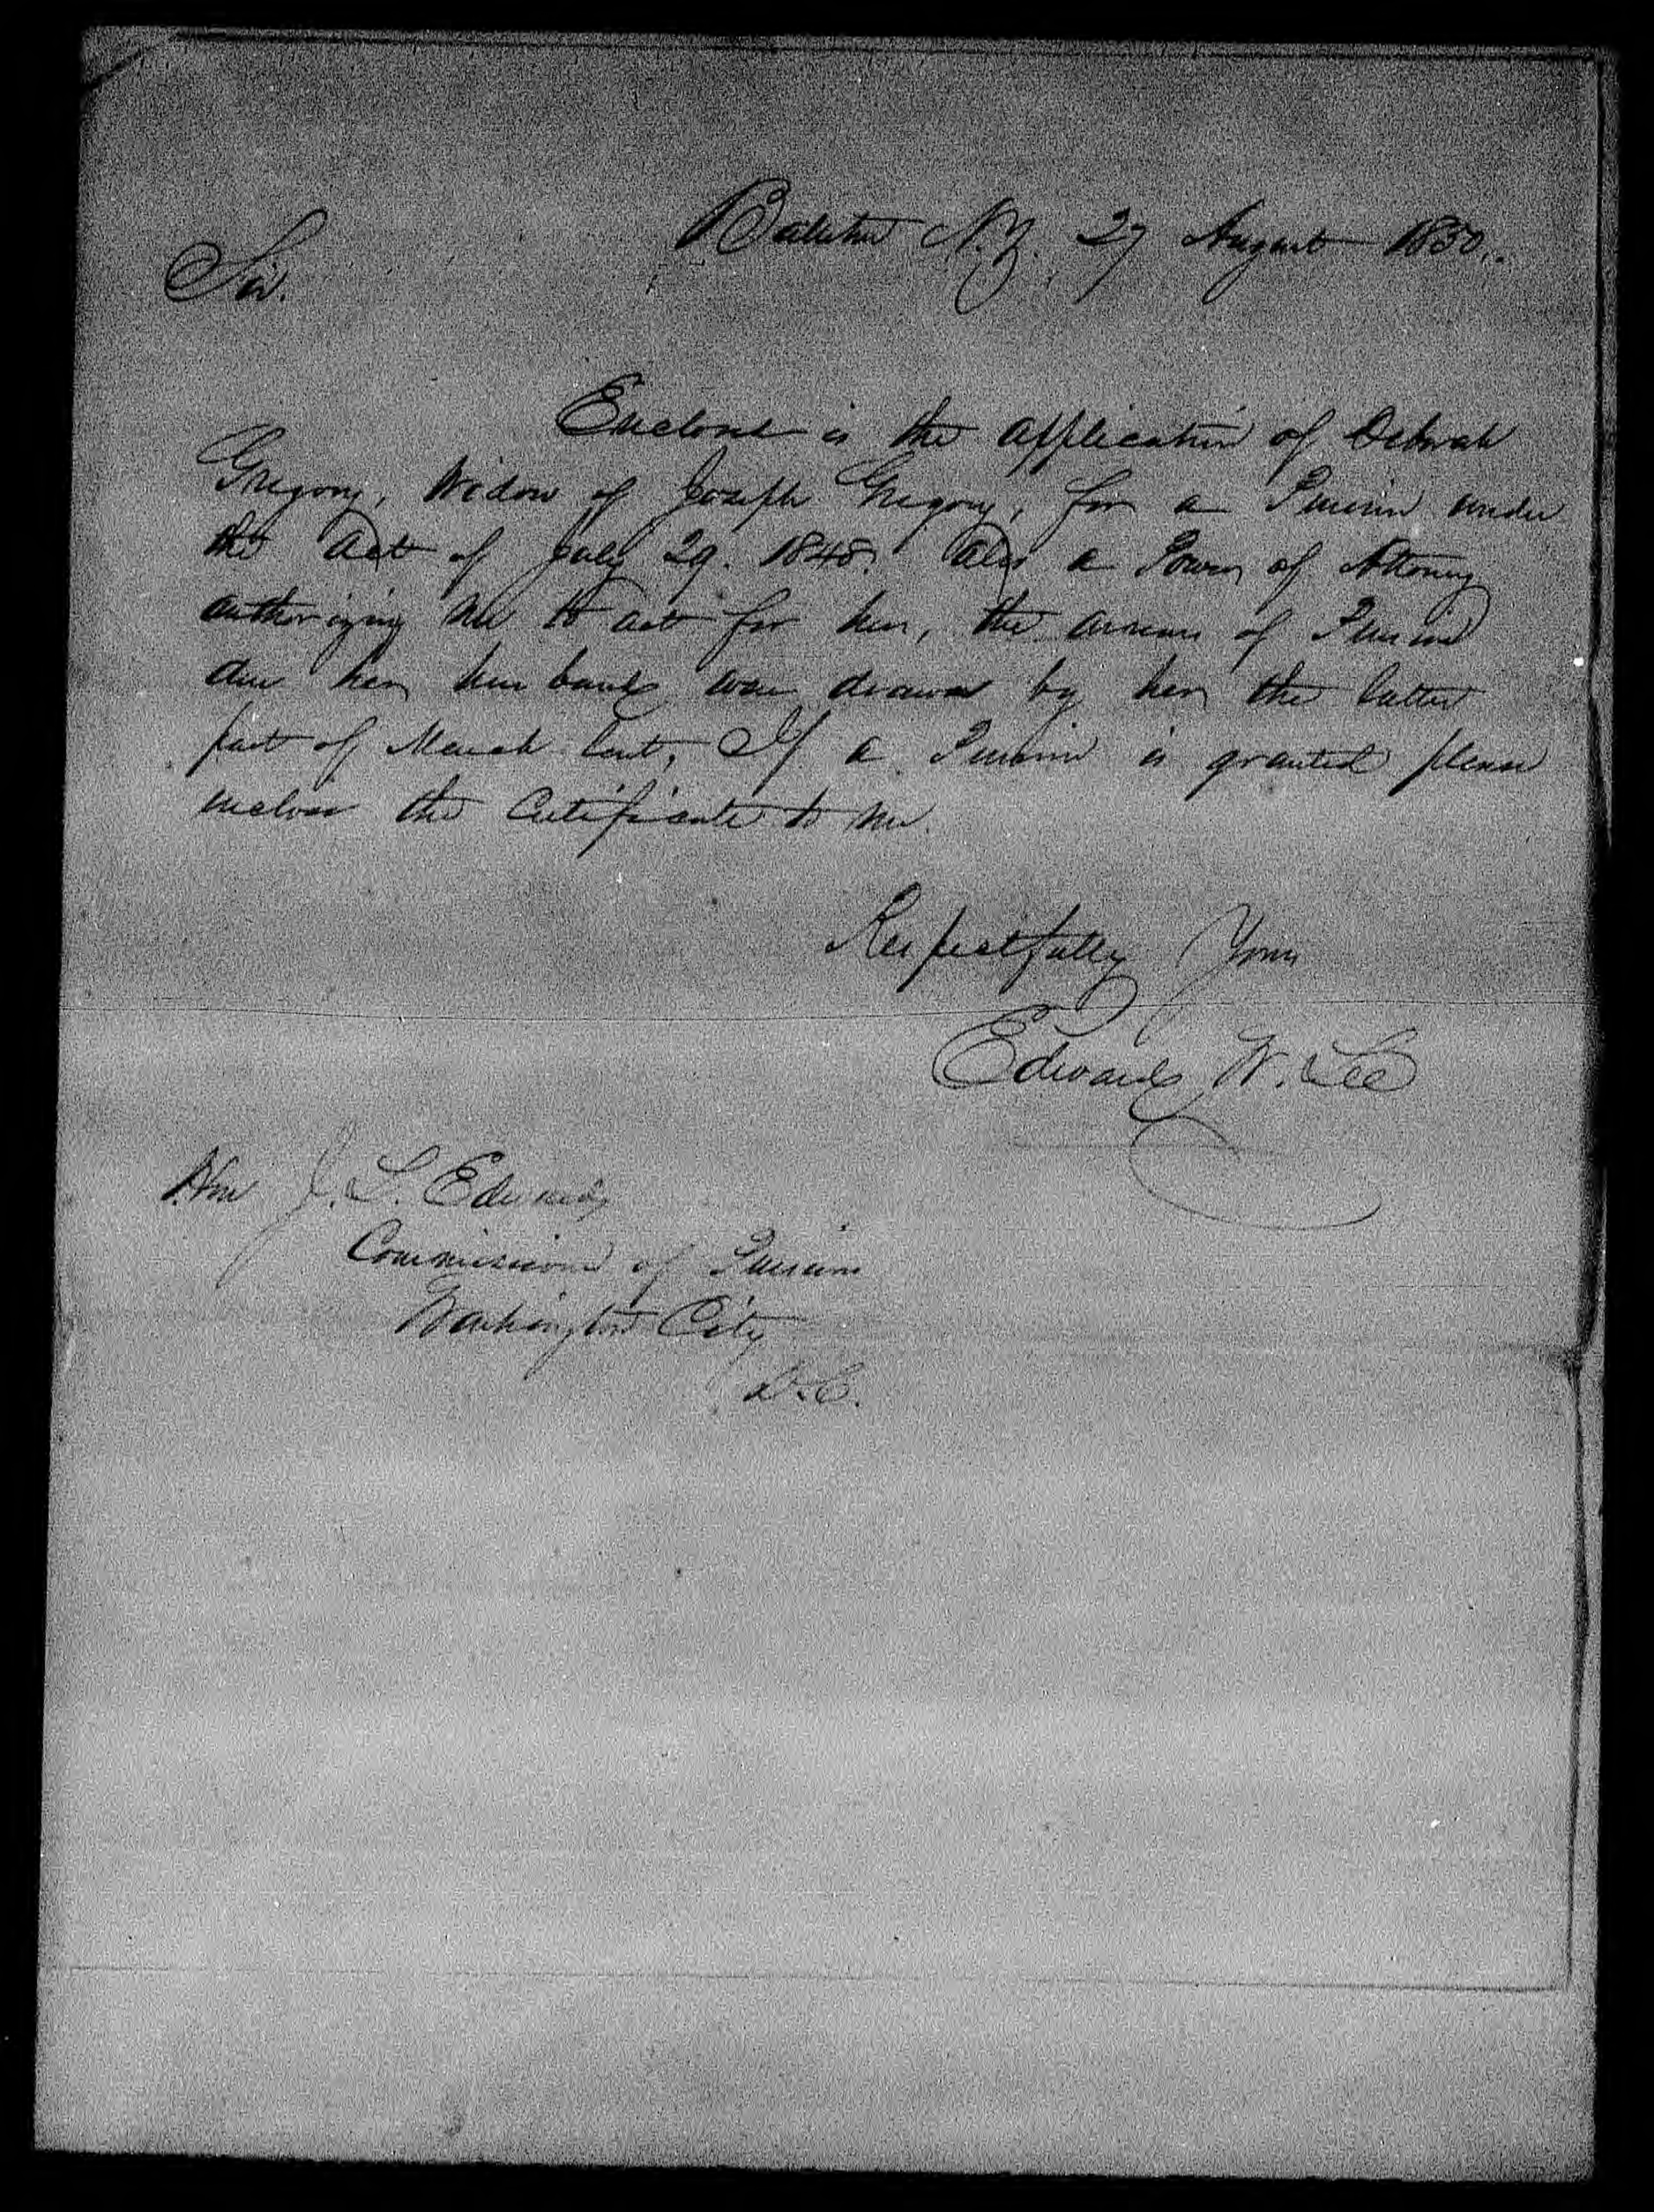Balliton, N.Y.  27 August 1850.

Sir.

  Enclosed is the application of Deborah Gregory, widow of Joseph Gregory, for a Pension under the Act of July 29, 1848.  Also a Power of Attorney authorizing me to act for her, the arrears of Pension due her husband  [illegible] drawn by her the latter part of March last. If a Pension is granted please make the Certificate to me.

              Respectfully Yours,    
                               Edward W. Lee

Hon. J. L. Edwards          
       Commissioner of Pensions
           Washington City
                D.C.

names: Joseph Gregory, J L Edwards, Deborah Gregory, Edward W Lee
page: 19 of 34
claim: widow's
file: W. 1596, Joseph Gregory, Conn.